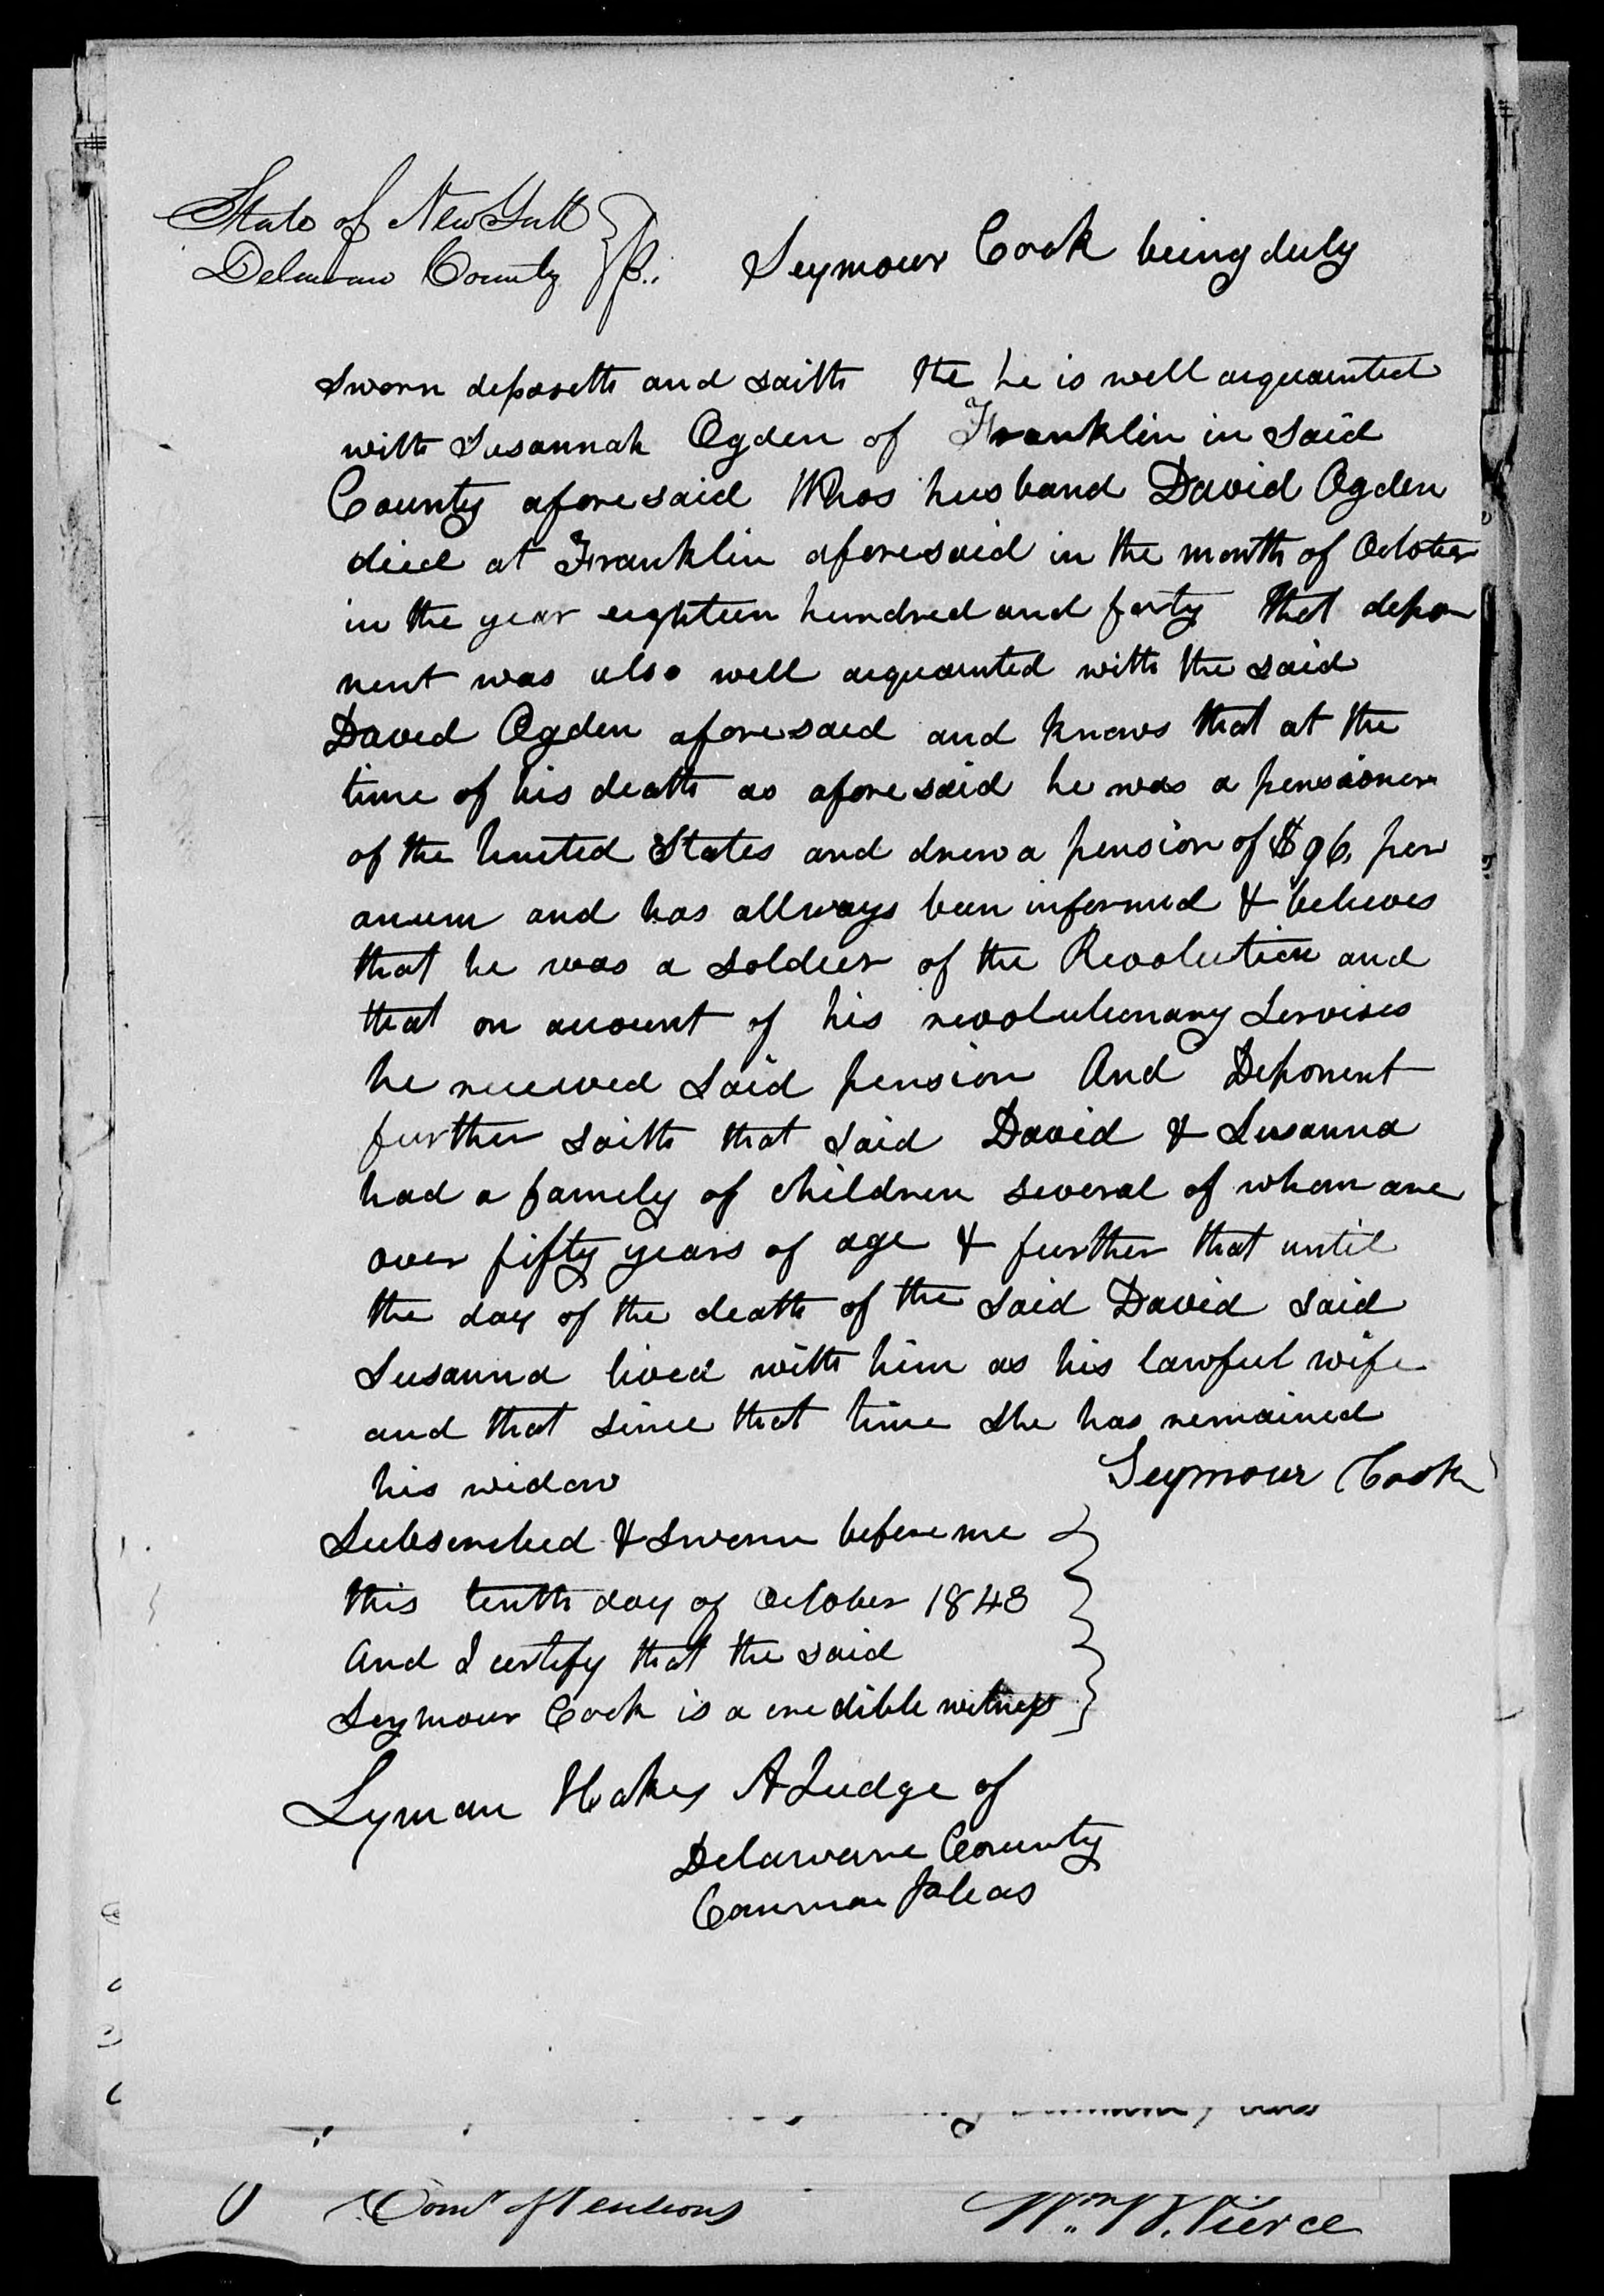State of New York
Delaware County Ss.

Seymour Cook being duly
Sworn deposeth and saith the he is well acquainted with
Susannah Ogden of Franklin in said
County aforesaid whos husband David Ogden
died at Franklin aforesaid in the month of October
in the year eighteen hundred and forty That deponent 
was also well acquainted with the said
David Ogden aforesaid and knows that at the
time of his death as aforesaid he was a pensioner
of the United States and drew a pension of $96. per
annum and has allways been informed & believes
that he was a Soldier of the Revolution and
that on account of his revolutionary Servises
he received said pension And Deponent
further saith that said David & Susanna
had a family of children several of whom are
over fifty years of age & further that until
the day of the death of the said David said
Susanna lived with him as his lawful wife
and that since that time she has remained
his widow
Seymour Cook


Subscribed & Sworn before me}
this tenth day of October 1848}
and I certify that the said}
Seymour Cook is a credible witness}

Lyman Hakes A Judge of
Delaware County
Common Pleas

[visible from a page underneath the current page]
Comr of Pensions
Wm B. Pierce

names: Seymour Cook; David Ogden; Wm B Pierce; Lyman Hakes; Susannah Ogden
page: 8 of 40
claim: widow's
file: W. 24364, for David Ogden, New York